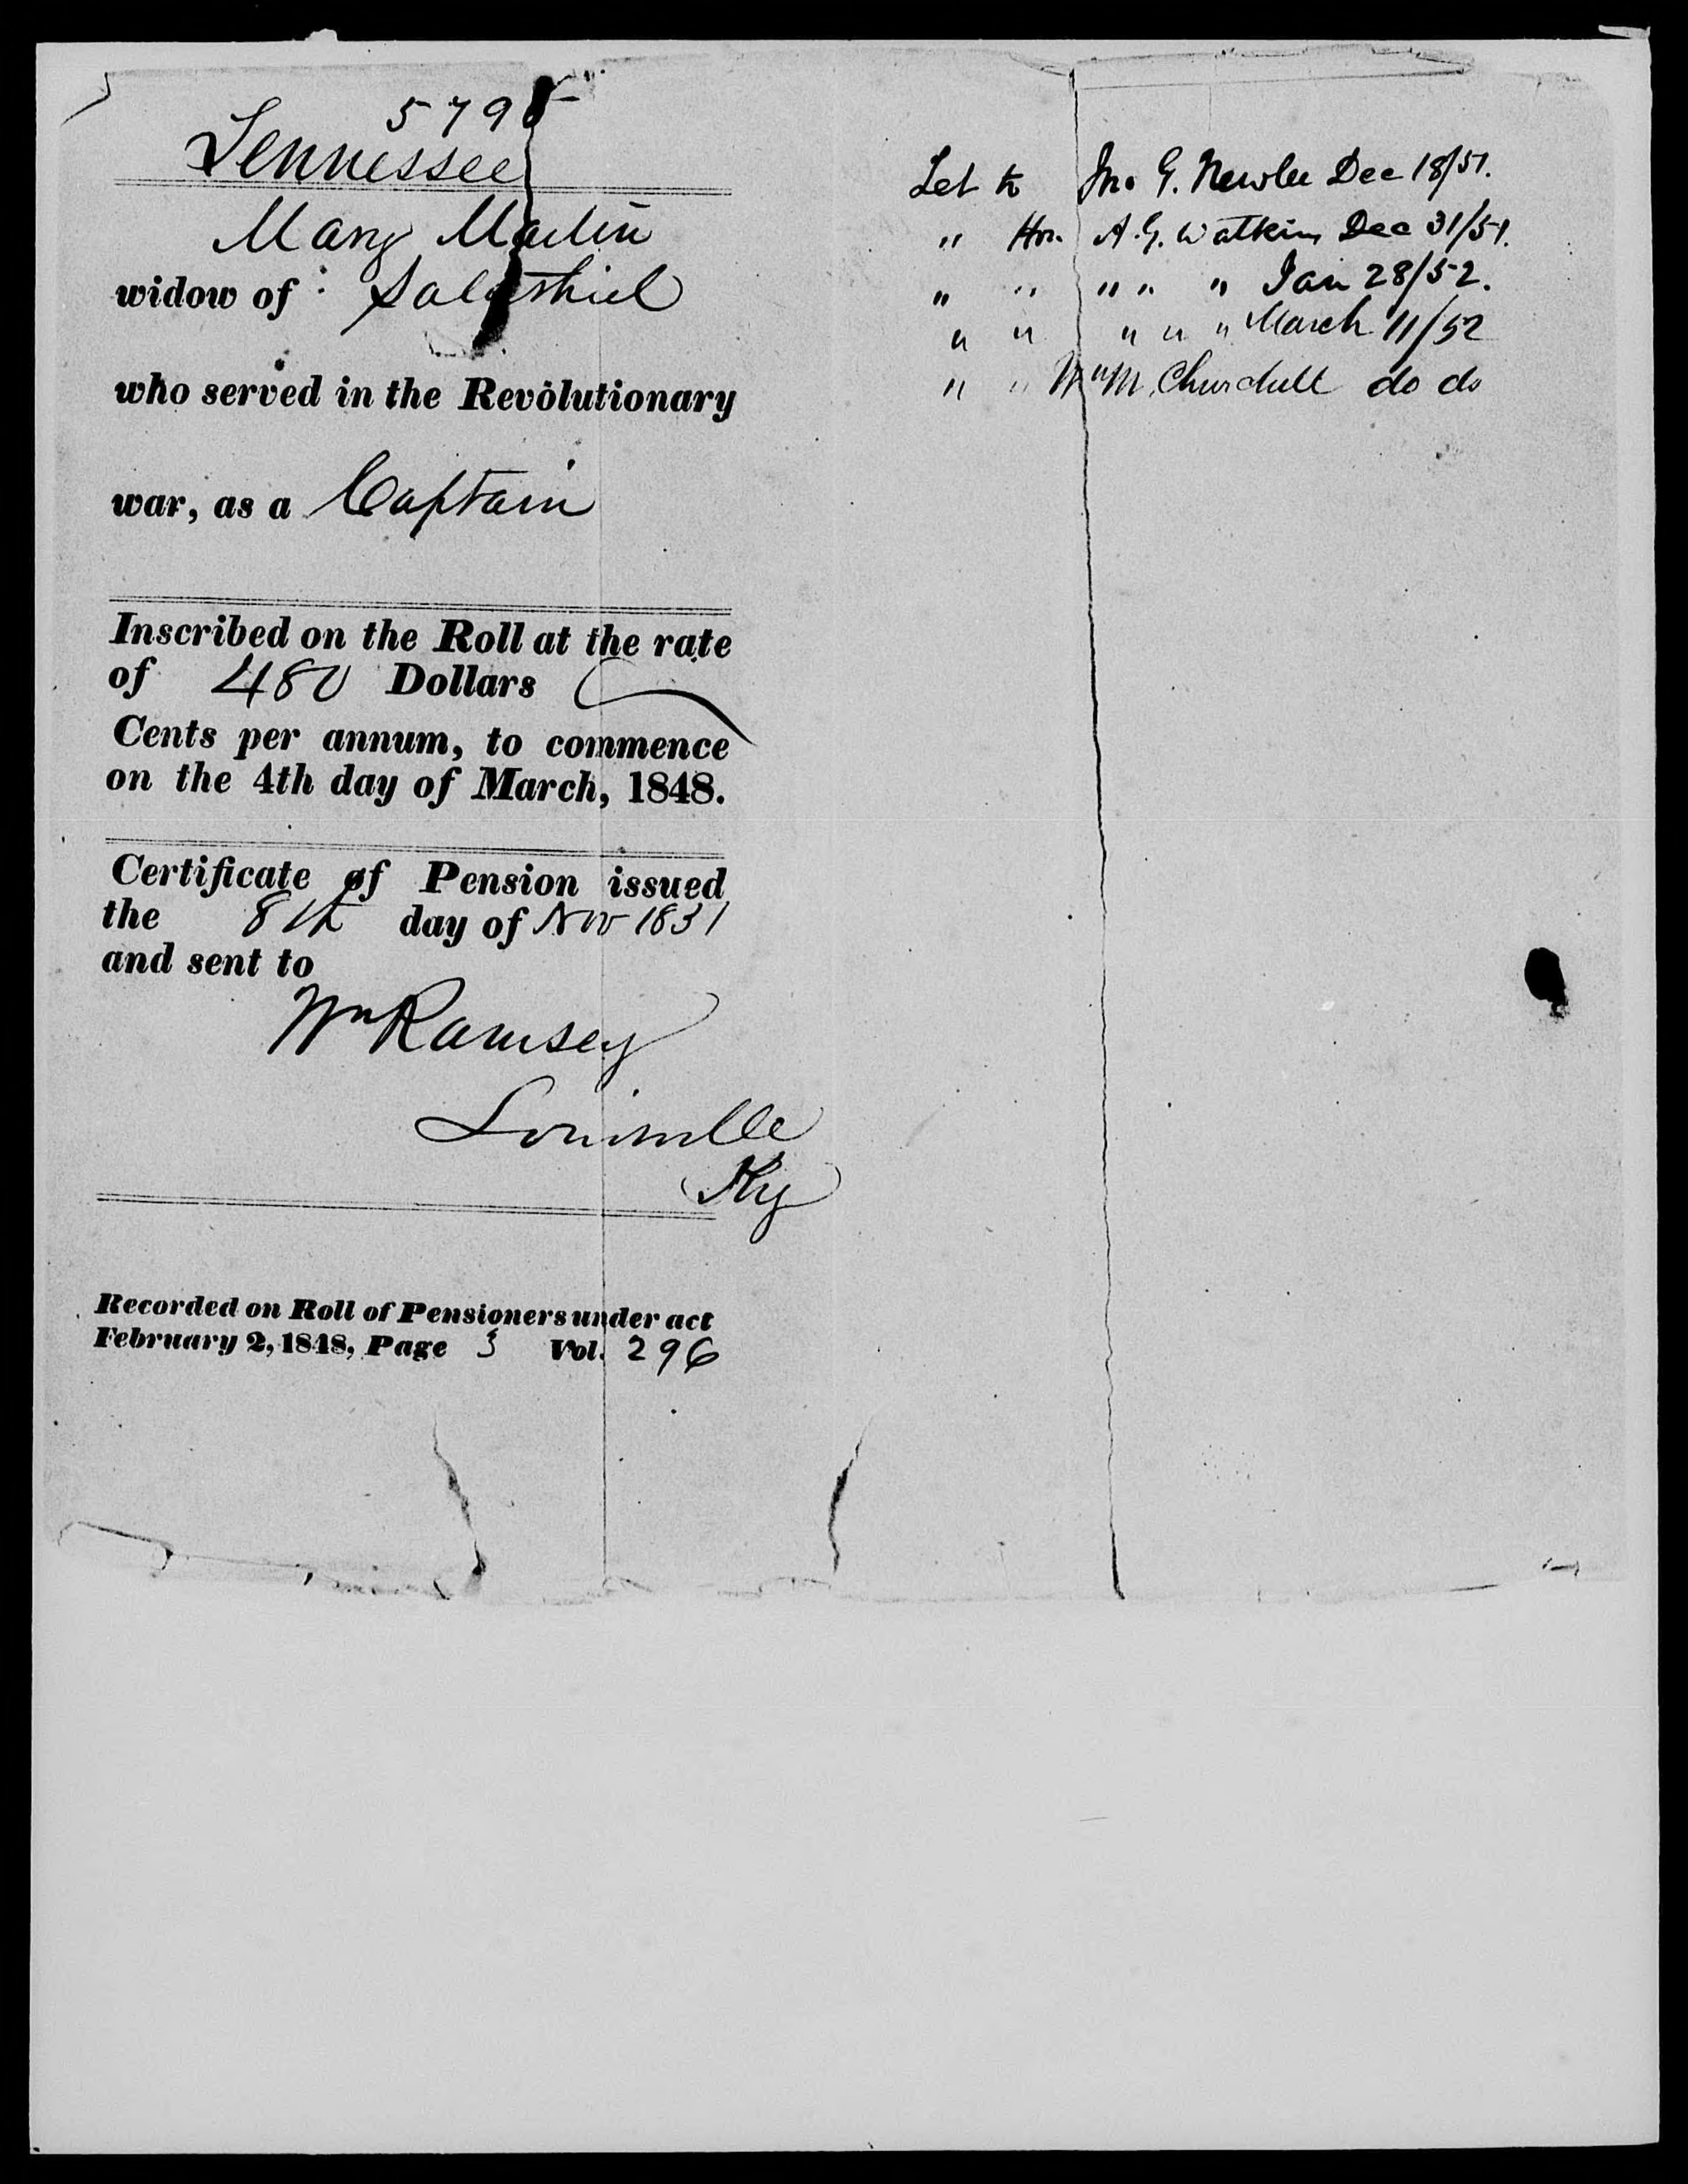[printed form, handwritten responses]
579[page damage]
Tennessee
Mary Martin
widow of Salathiel
who served in the Revolutionary
war, as a Captain

Inscribed on the Roll at the rate
of 480 Dollars [scroll symbol denoting blank]
Cents per annum, to commence
on the 4th day of March, 1848.

Certificate of Pension issued
the 8th day of Nov 1831
and sent to
Wm Ramsey
Louisville
Ky

Recorded on Roll of Pensioners under act
February 2, 1848, Page 3 Vol. 296

Let to Jno G. Newlee Dec 18/51.
" Hon. A. G. Watkins Dec 31/51
"   "      "   "     "          Jan 28/52
"    "      "  "     "          March 11/52
"    "  Wm M Churchill    do   do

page: 103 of 120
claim: widow's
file: W. 1044, for Salathiel Martin, North Carolina